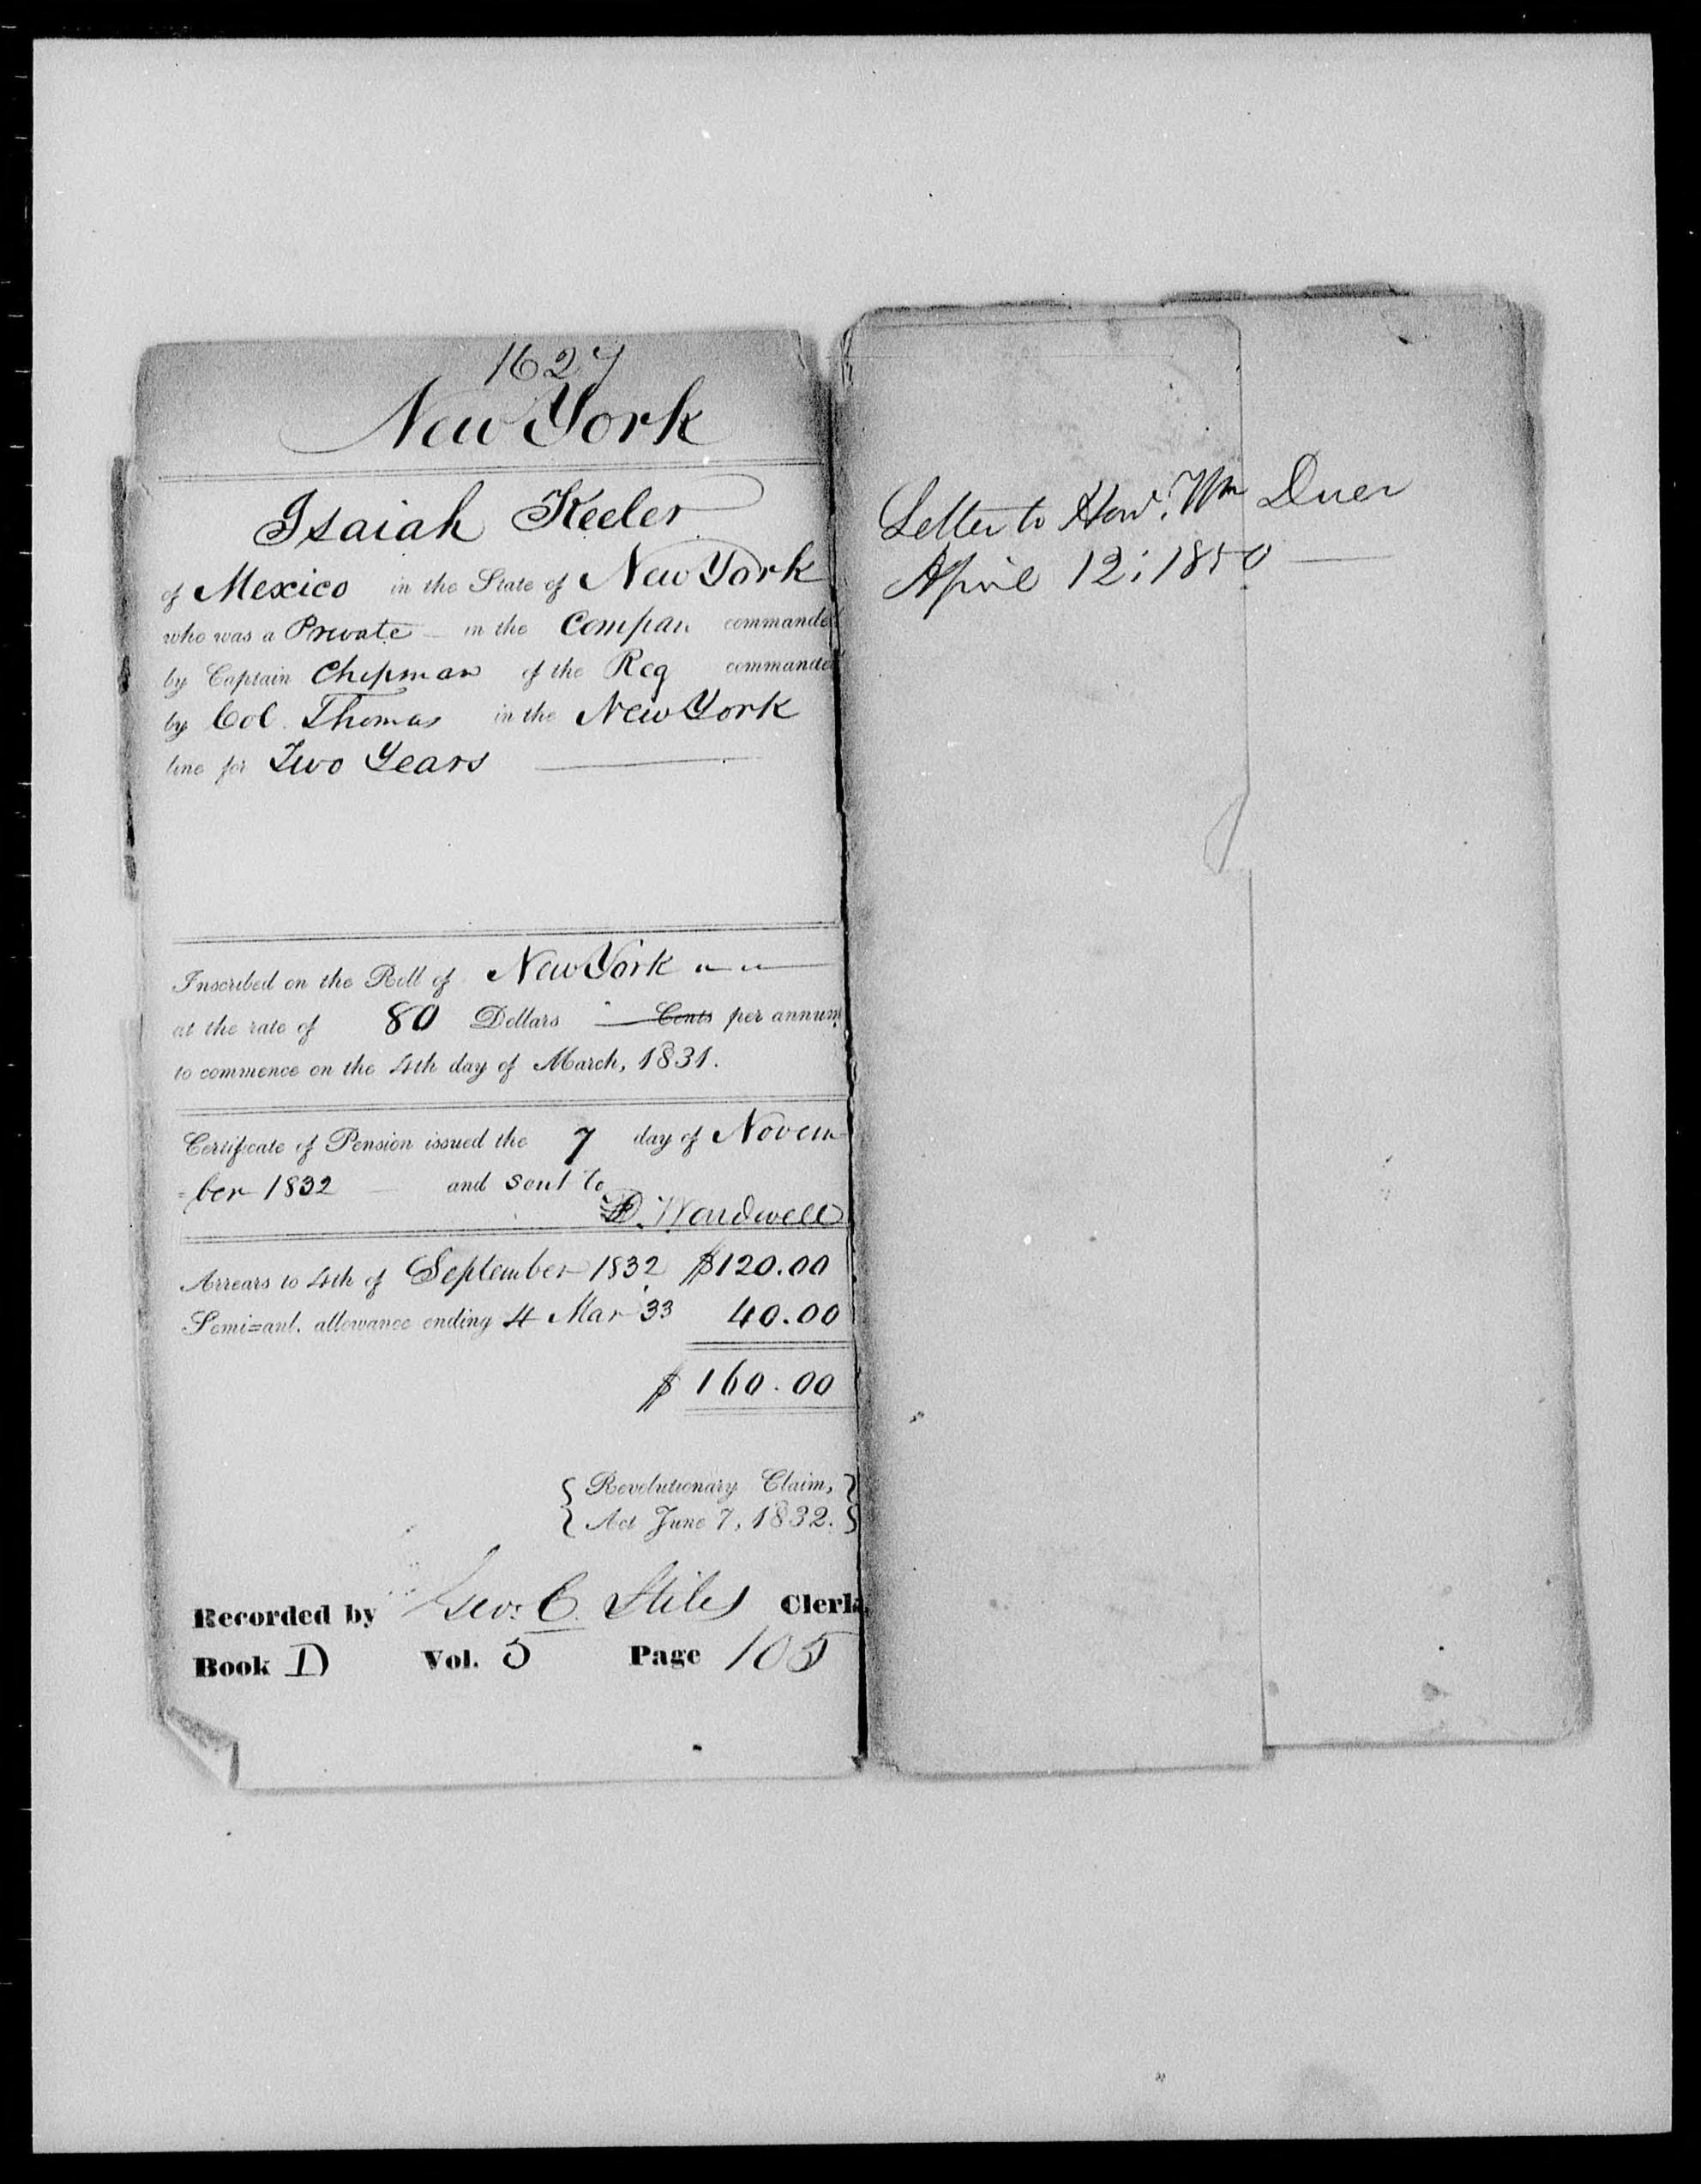[left side]
1629
New York
Isaiah Keeler of Mexico in the State of New York who was a Private in the company commanded by Captain Chipman of the Reg commanded by Col. Thomas in the New York line for Two Years–
 
Inscribed on the Roll of New York at the rate of 80 Dollars -- Cents per annum to commence on the 4th day of March, 1831. 

Certificate of Pension issued the 7 day of November 1832 and sent to D. Wardwell 

Arrears to 4th of September 1832  $120.00 
Semi-anl. allowance ending 4 Mar ‘33   40.00 
[totals] $160.00 
{Revolutionary Claim, Act June 7, 1832.}
Recorded by Geo. C. Stiles Clerk.
Book D  Vol. 5  Page 105 

[right side]
Letter to Hon. Wm Duer 
April 12, 1850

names: Geo C Stiles; [BLANK] Thomas; [BLANK] Chipman; Wm Duer; D Wardwell; Isaiah Keeler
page: 2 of 26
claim: survivor's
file: S. 13,625, for Isaiah Keeler, New York